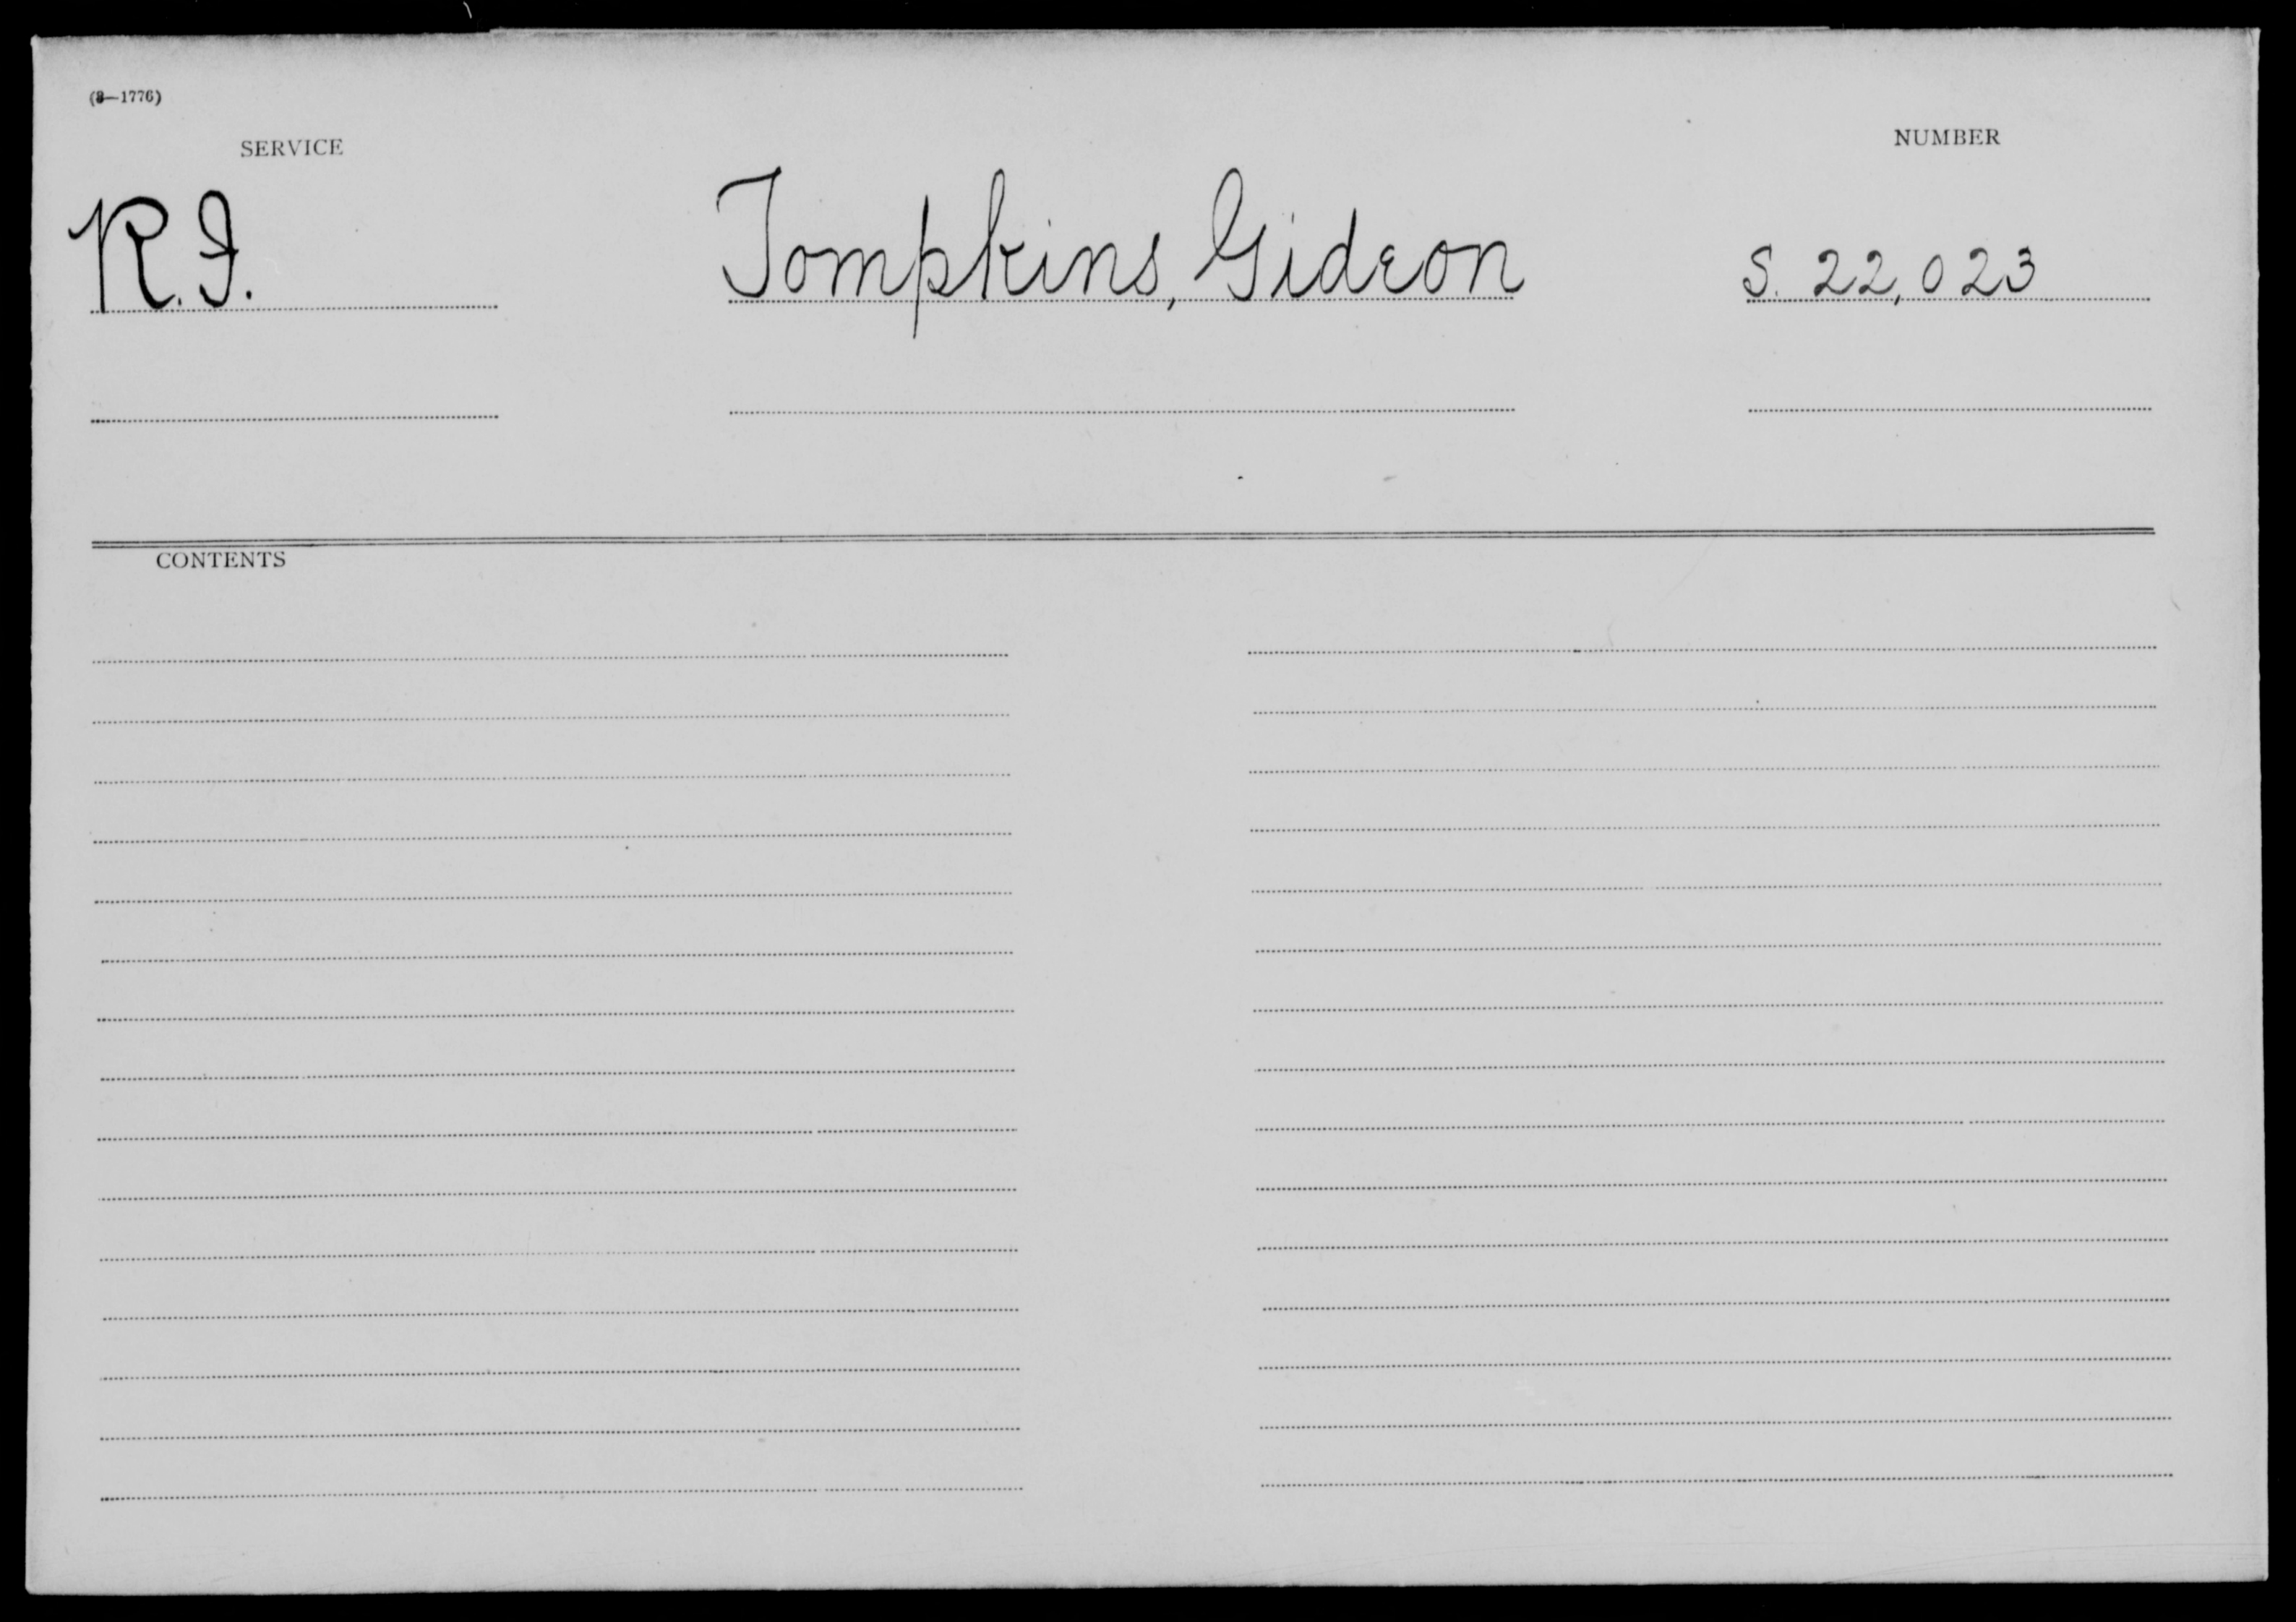R.J.
Tompkins, Gideon
S. 22,023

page: 1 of 25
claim: survivor's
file: S. 22,023, for Gideon Tompkins, Rhode Island